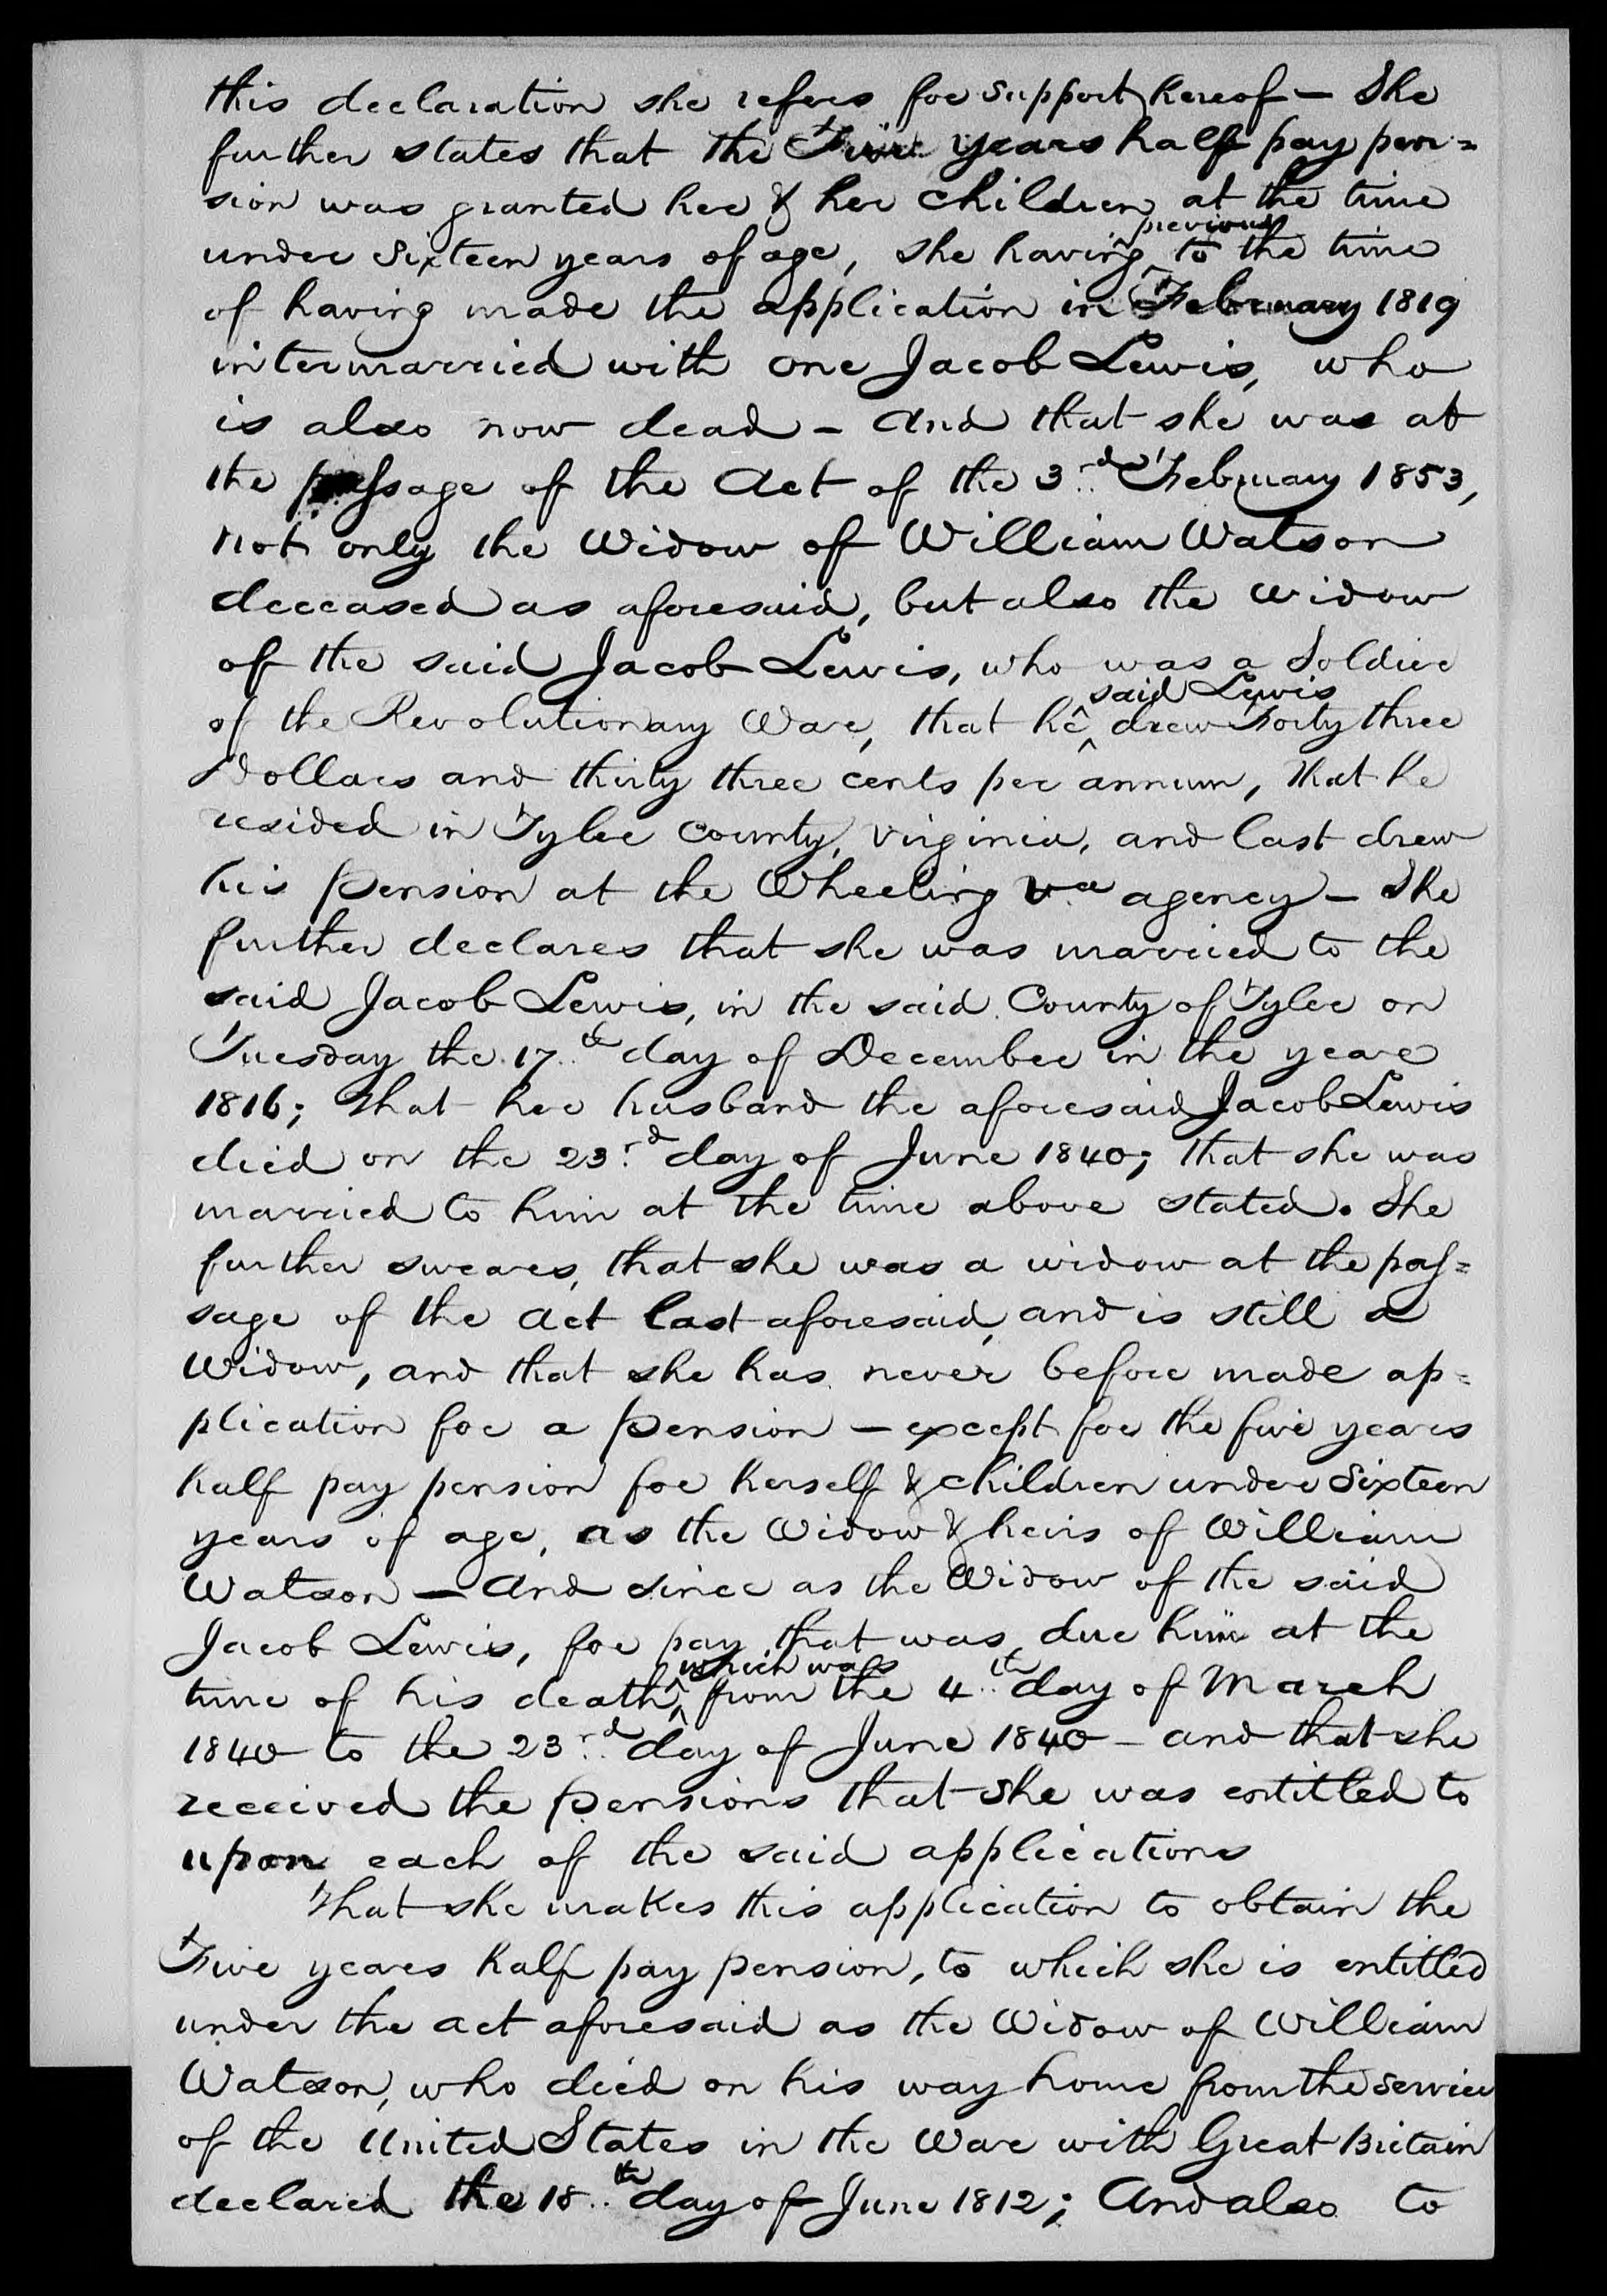this declaration she refers for support hereof - She further states that the three years half pay pension was granted her & her children at the time under sixteen years of age, she having previous to the time of having made the application in February 1819 intermarried with one Jacob Lewis, who is also now dead - And that she was at the passage of the Act of the 3rd February 1853, not only the widow of William Watson deceased as aforesaid, but also the widow of the said Jacob Lewis, who was a soldier of the Revolutionary War, that he said Lewis drew forty three dollars and thirty three cents per annum, that he resided in Tyler County, Virginia, and last drew his pension at the Wheeling Va agency. She further declares that she was married to the said Jacob Lewis in said County of Tyler on Tuesday the 17th day of December in the year 1816; That her husband the aforesaid Jacob Lewis died on the 23rd day of June 1840; that she was married to him at the time above stated. She further swears, that she was a widow at the passage of the Act last aforesaid, and is still a widow, and that she has never before made application for a pension - except for the five years half pay pension for herself & children under sixteen years of age, as the widow & heirs of William Watson - And since as the widow of the said Jacob Lewis, for pay that was due him at the time of his death which was from the 4th day of March 1840 to the 23rd day of June 1840 - and that she received the pensions that she was entitled to upon each of the said applications.
That she makes this application to obtain the five years half pay pension, to which she is entitled under the act aforesaid as the widow of William Watson, who died on his way home from the service of the United States in the War with Great Britain declared the 18th day of June 1812; And also to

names: William Watson; Jacob Lewis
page: 6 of 69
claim: widow's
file: W 8044, for Jacob Lewis, Virginia